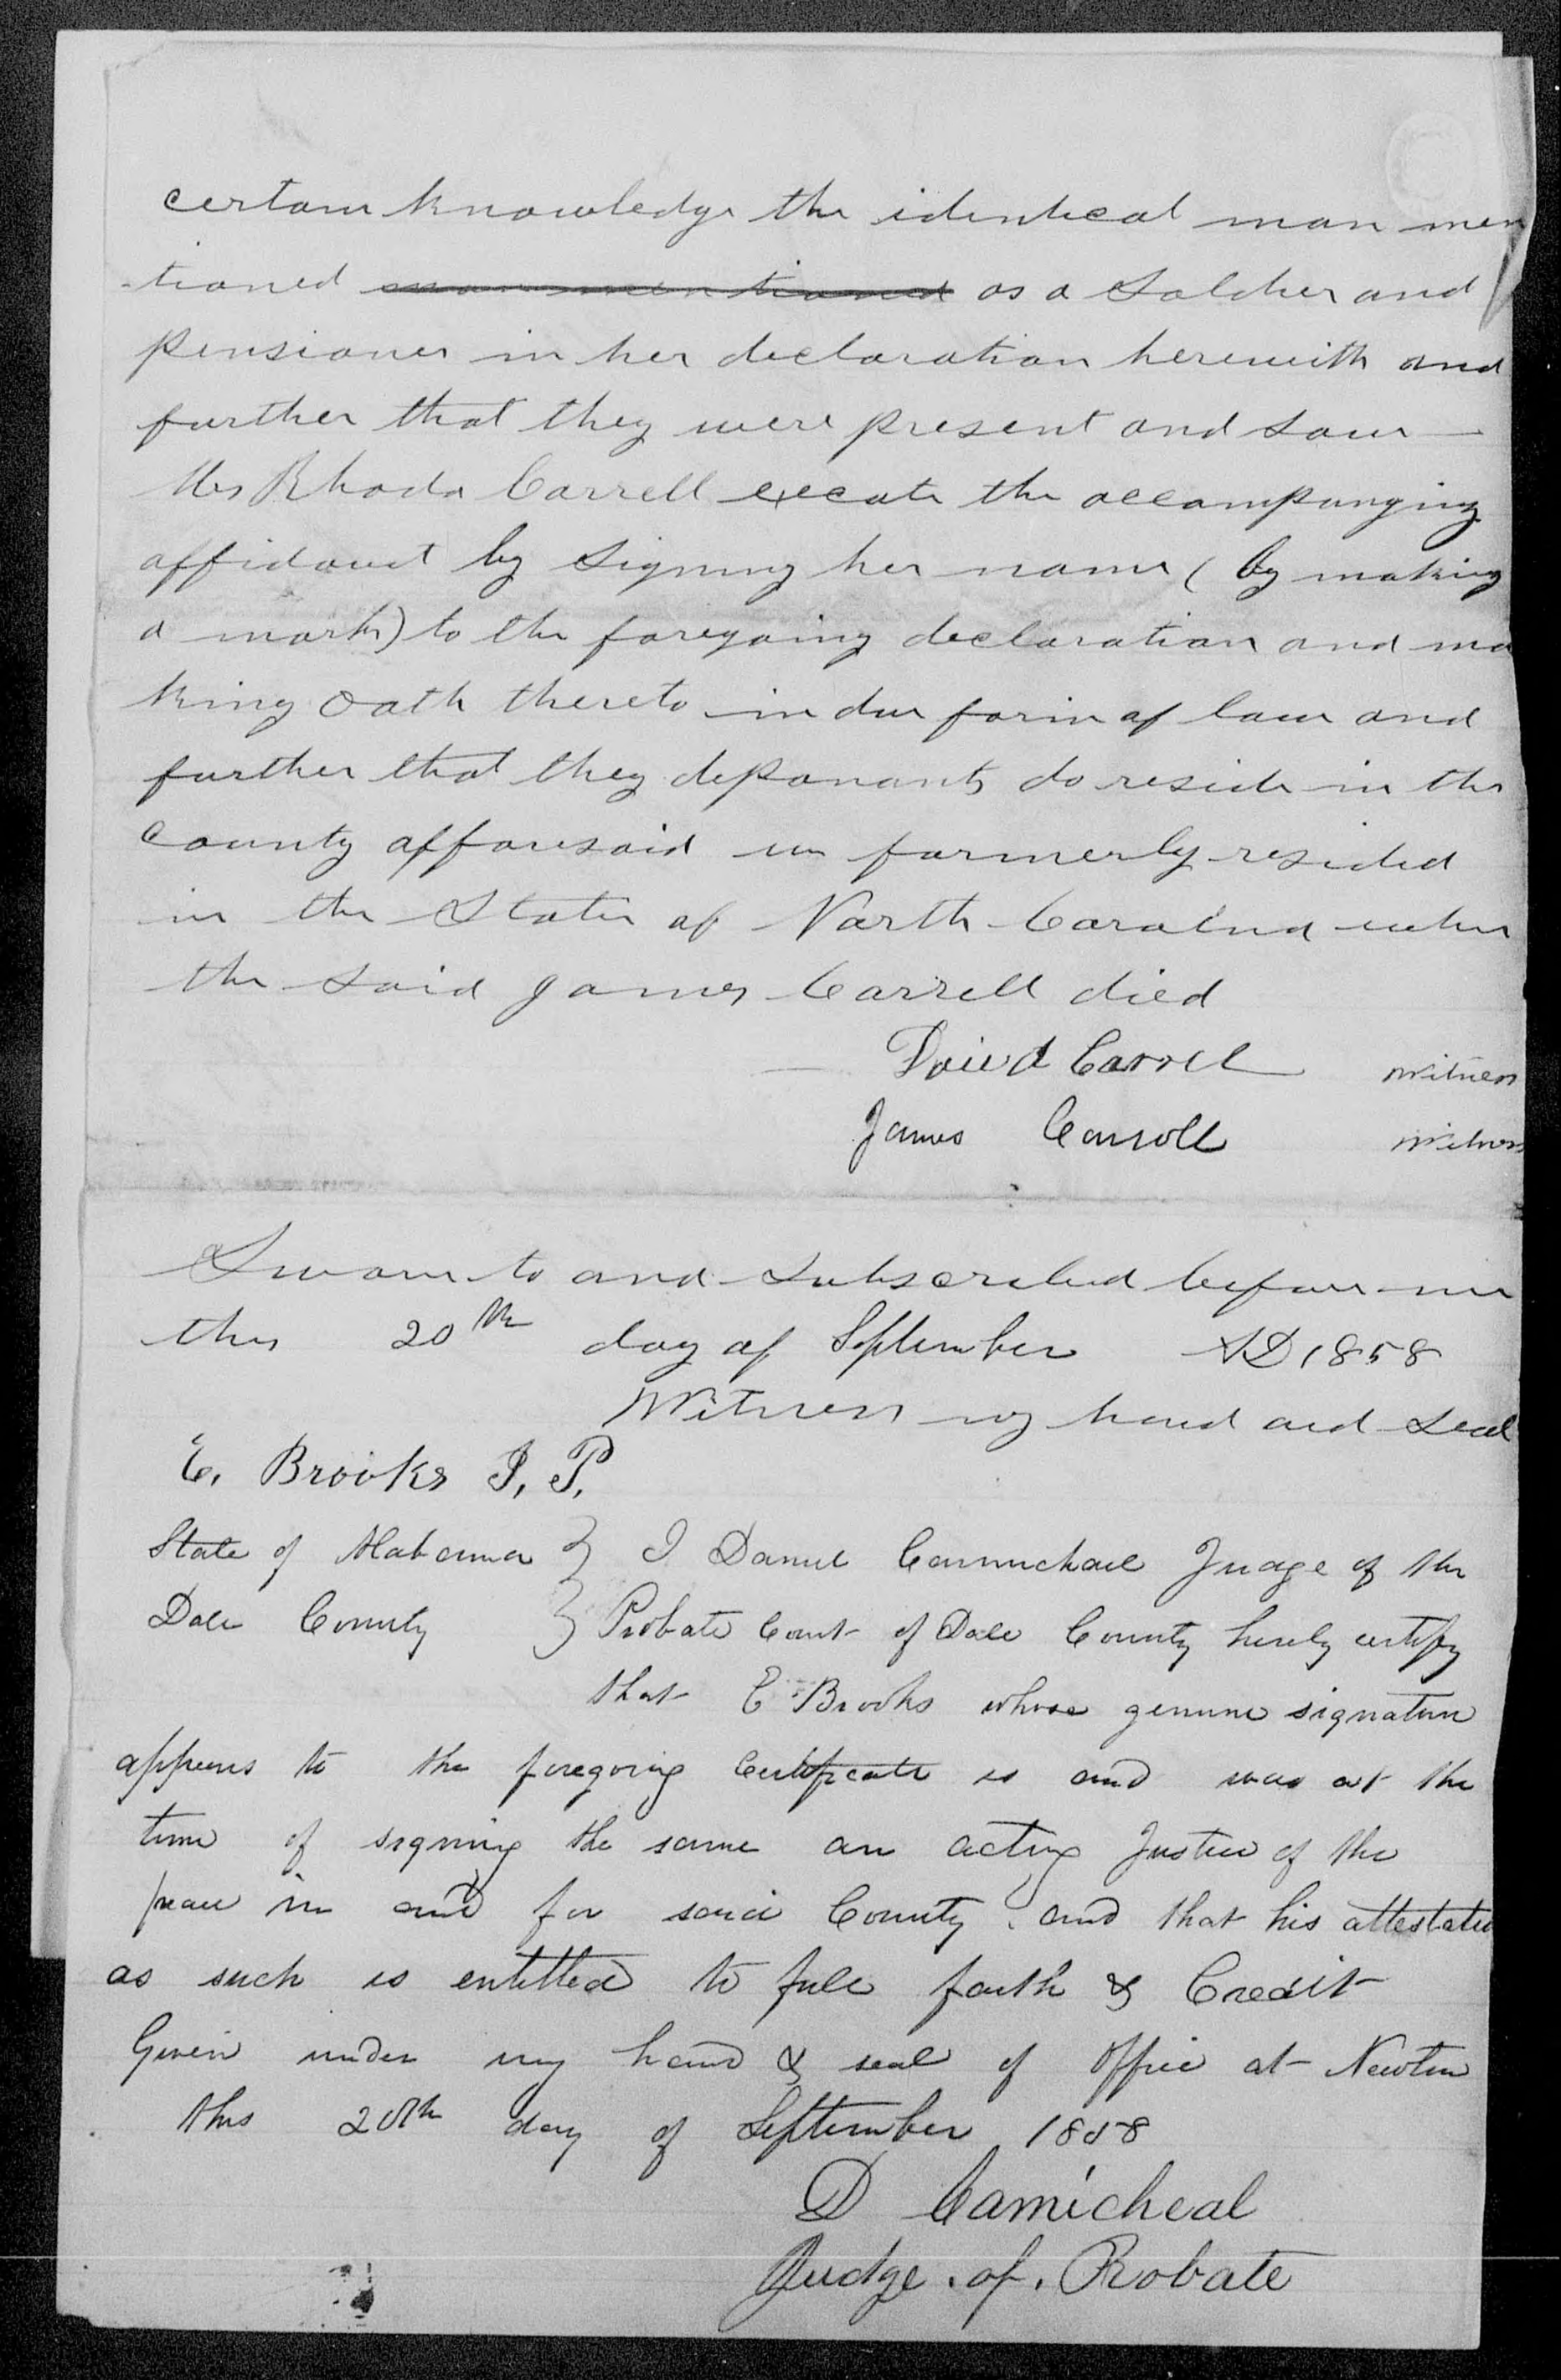certain knowledge the identical man mentioned as a soldier and pensioner in her declaration herewith and further that they were present and saw Mrs. Rhoda Carrell execute the accompanying affidavit by signing her name (by making a mark) to the foregoing declaration and making oath thereto in due form of law and further that they deponents do reside in the county afforesaid we formerly resided in the State of North Carolina where the said James Carrell died.  David Carrell  witness
James Carroll witness

Sworn to and subscribed before me this 20th day of September AD 1858  Witness my hand and seal. E. Brooks J.P.

State of Alabama 
Dale County }  I Daniel Carmichael Judge of the Probate Court of Dale County hereby certify that E Brooks whose genuine signature appears to the foregoing certificate is and was at the time of signing the same an acting Justice of the Peace in and for said county and that his attestation as such is entitled to full faith and credit. Given under my hand and seal of office at Newton this 20th day of September 1858  D. Carmicheal Judge of Probate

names: James Carroll, Rhoda Carrell, D Camicheal, David Carrel, E Brooks, E Brooks, Daniel Carmichael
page: 39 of 86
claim: widow's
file: W. 6899, James Carrell, N.C.